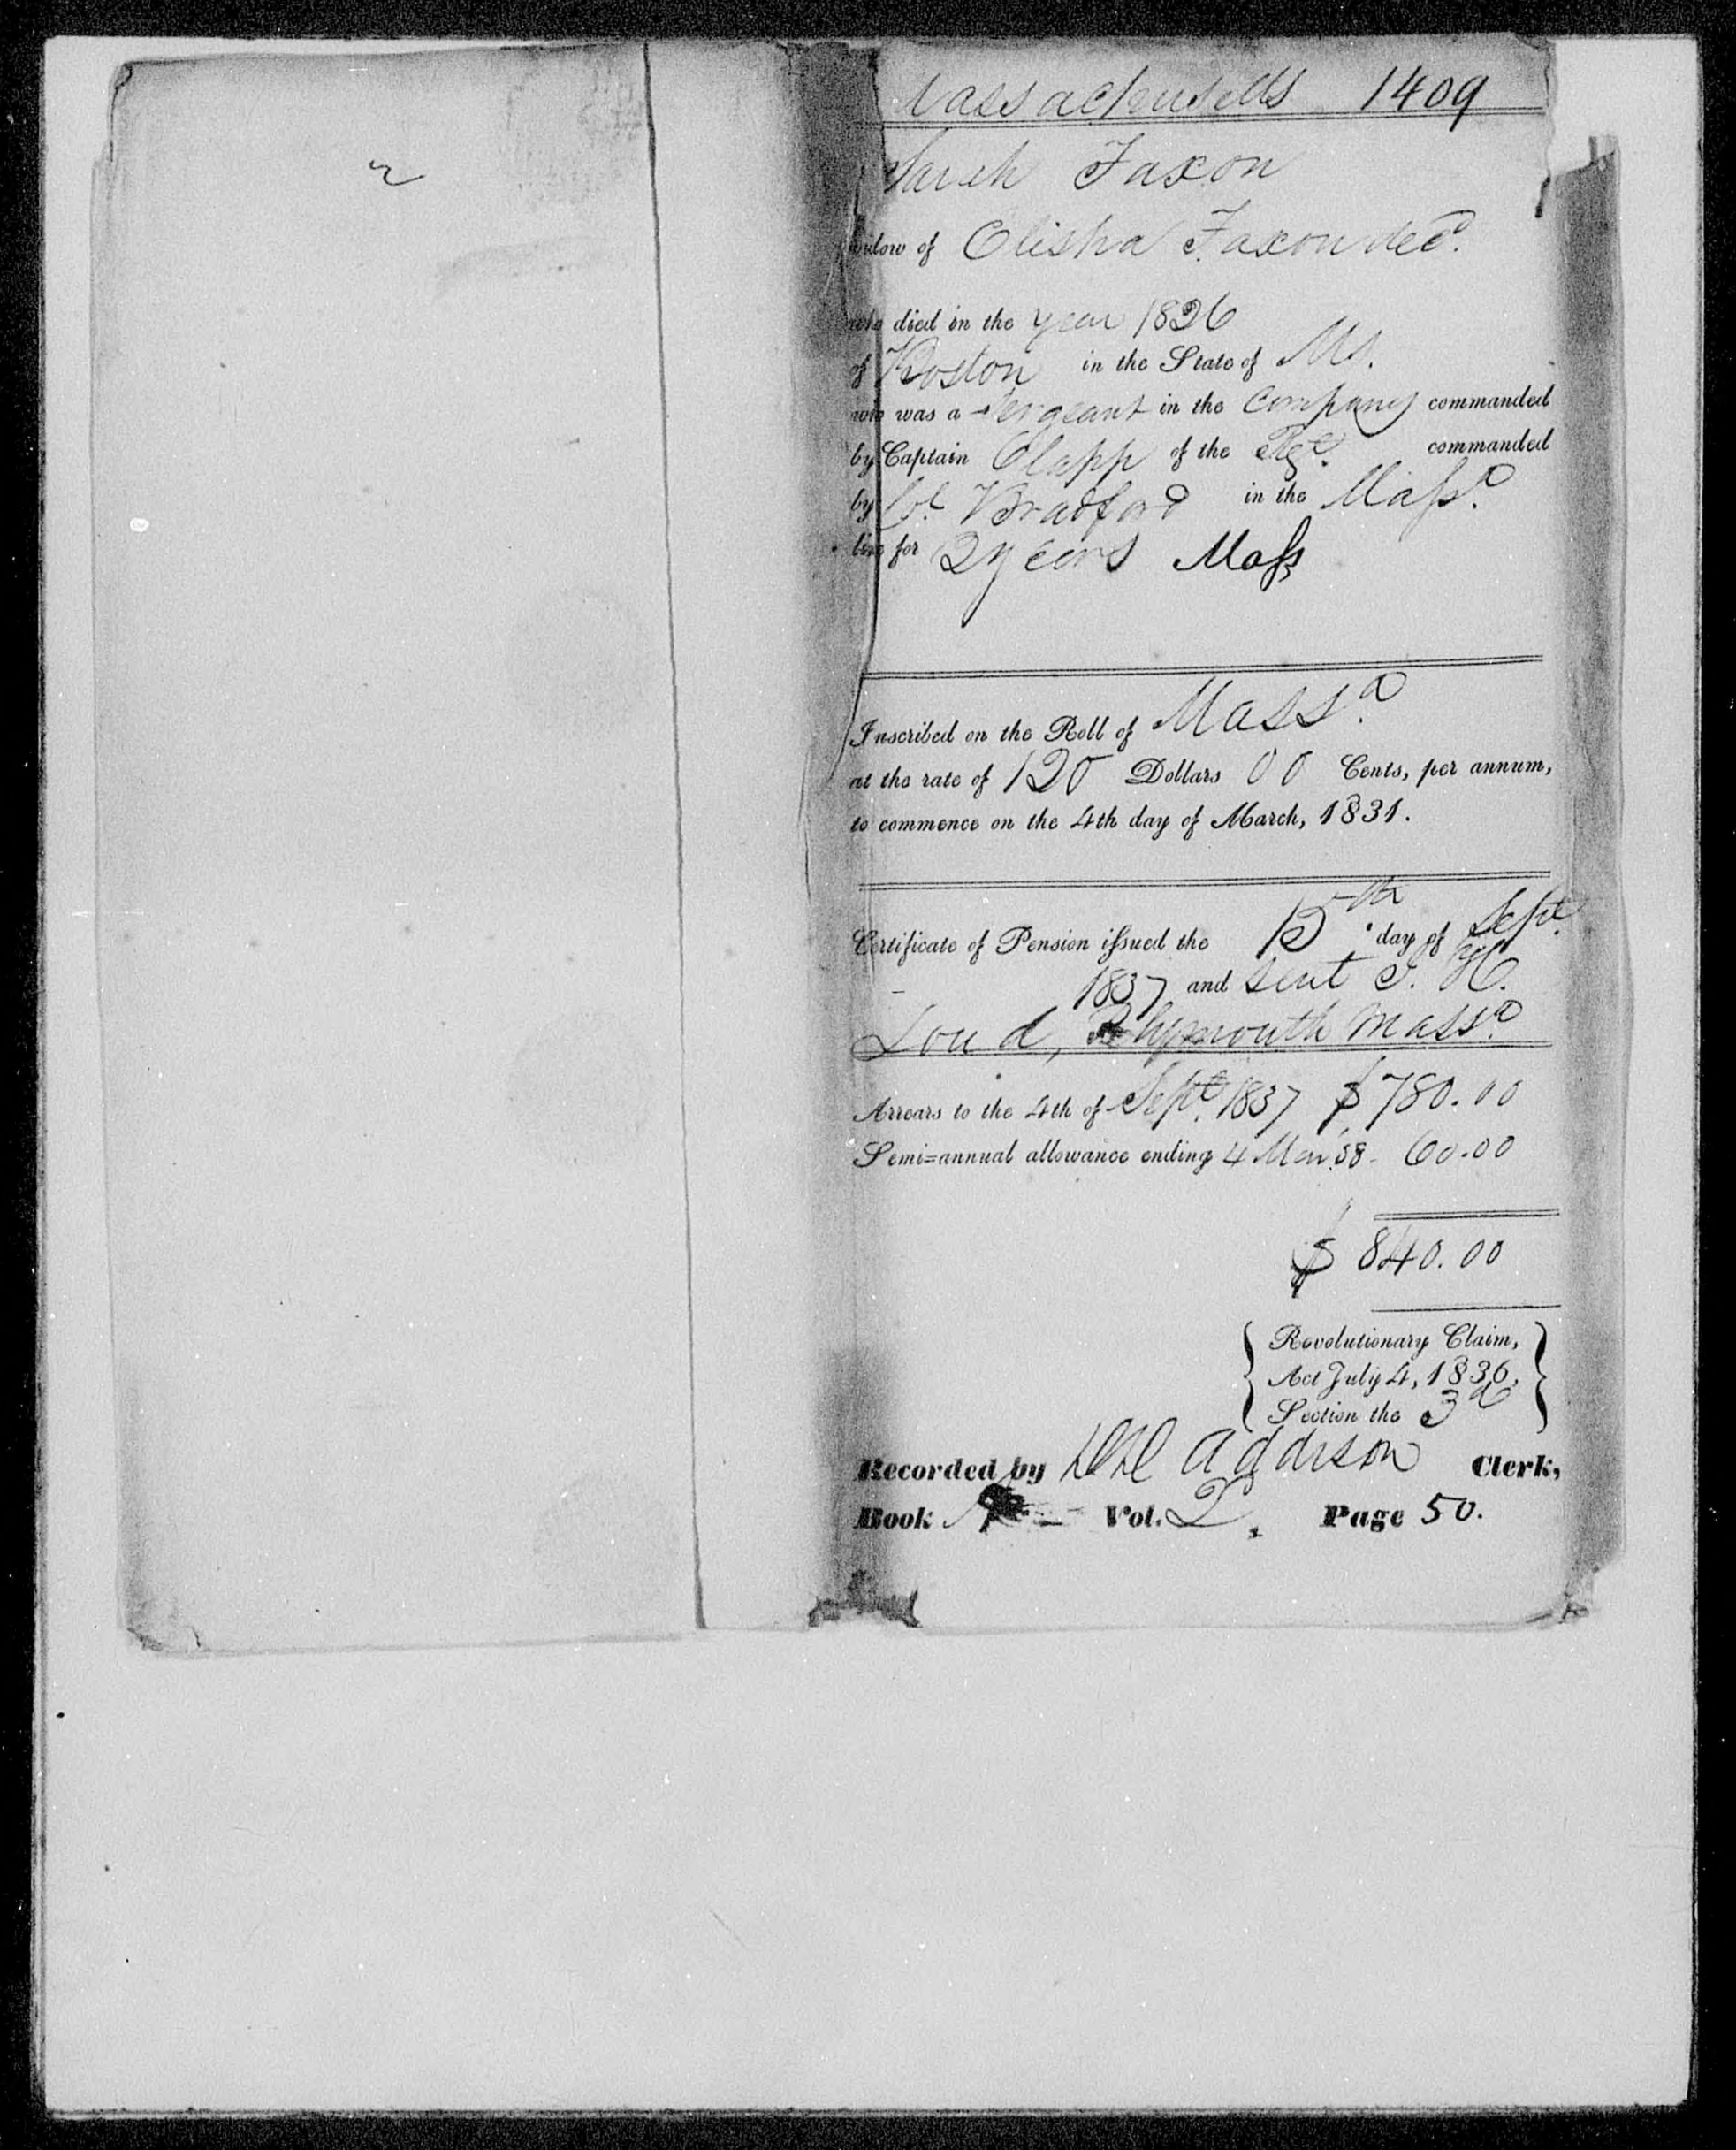Massachusetts 1409
Sara Faxon
widow of Elisha Faxon, dec.
who died in the year 1826
of Boston in the state of Massachusetts who was a Sergeant in the company commanded by Captain Clapp of the Regiment commanded by Col. Bradford in the Massachusetts line for 2 years. Mass.

Transcribed on the Roll of Mass. at the rate of 120 Dollars 00 Cents, per annum, to commence on the 4th day of March, 1831.
Certificate of Pension issued the 15th day of Sept. 1837 and sent J.H. Loud, Plymouth Mass. 
Arrears to the 4th of Sept. 1837 $780.00
Semi-annual allowance ending 4 Mar '38. $60.00
$840.00

Revolutionary Claim, Act July 4, 1836, Section the 3rd.
Recorded by D.D. Addison, Clerk
Book (illegible) Vol. 2, Page 50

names: J H Loud, Bradford, Elisha Faxon, D D Addison, Clapp, Sarah Faxon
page: 3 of 47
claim: widow's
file: W. 14703, Elisha Faxon, Mass